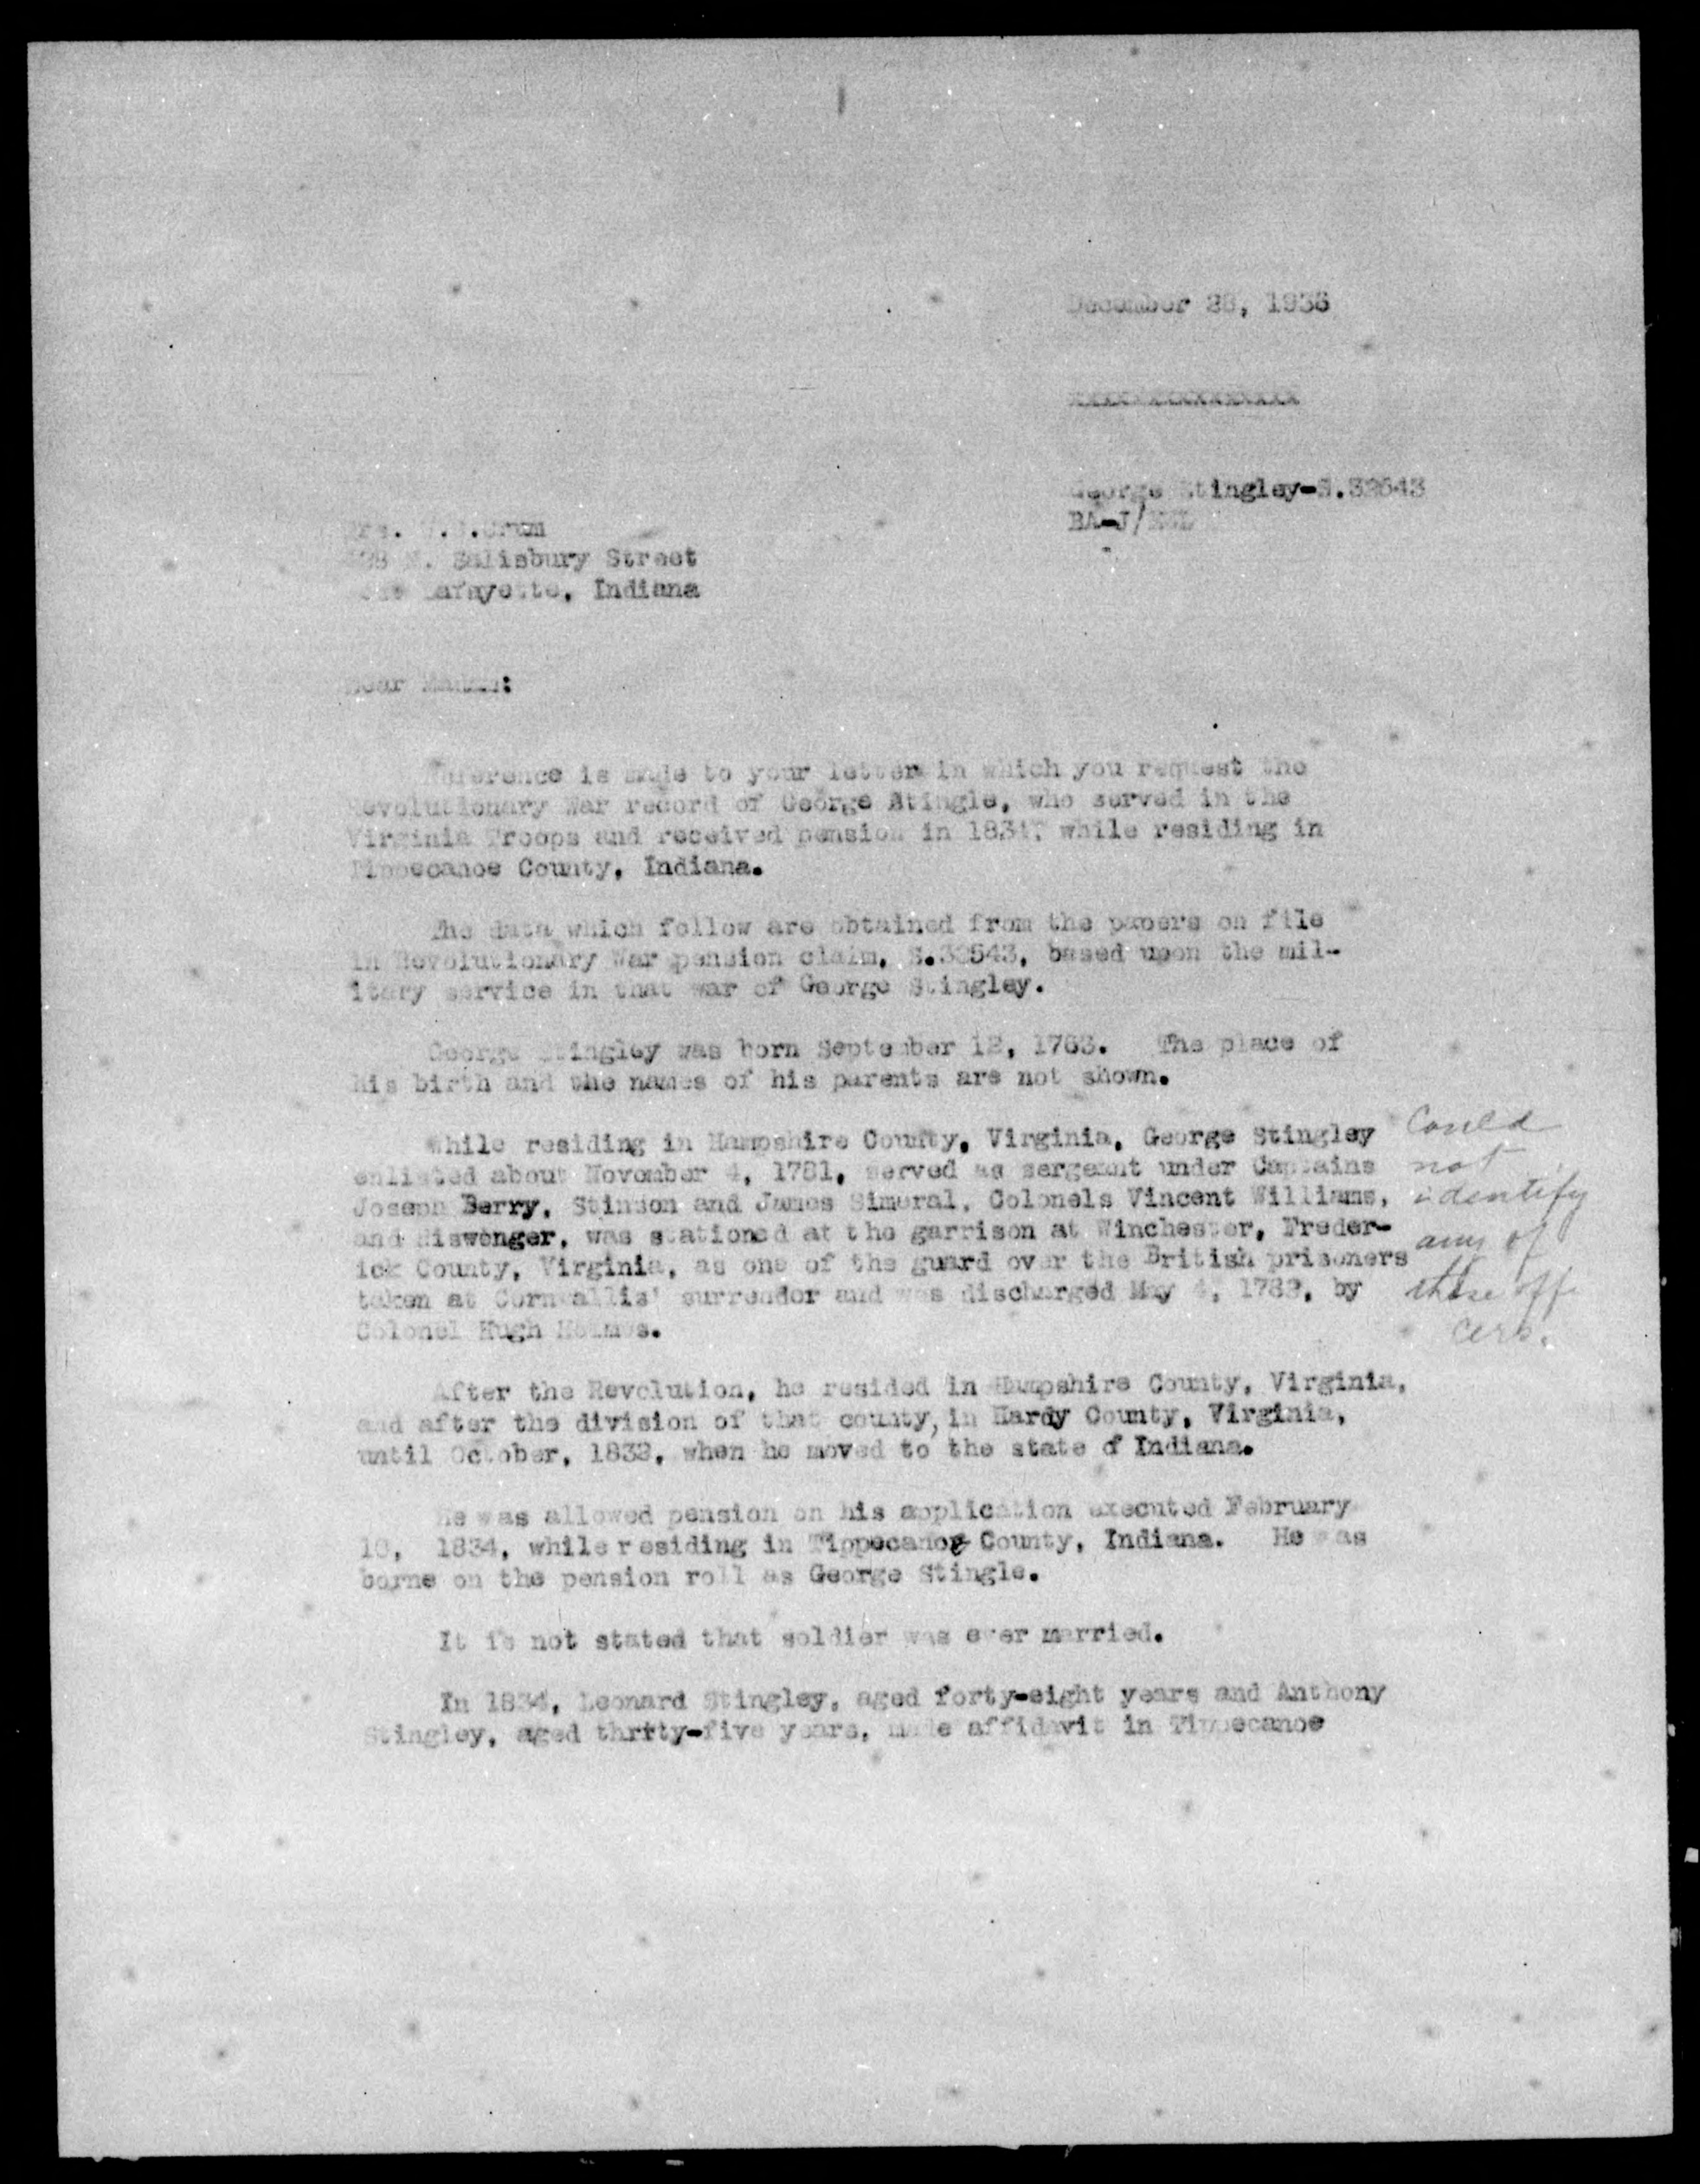December 28, 1936

xxxxxxxxxxxxxxxxxx

George Stingley - S.32643
BA-J/ [illegible]

[illegible]
[illegible] Salisbury Street
[illegible] Lafayette, Indiana

Dear [illegible]: 

Reference is [illegible] to your letter in which you request the
Revolutionary War record of George Stingle, served in the
Virginia Troops and received pension in 1834, while residing in
Tippecanoe County, Indiana.

The data which follow are obtained from the papers on file
in Revolutionary War pension claim, S. 32543, based up the military
service in that war of George Stingley. 

George Stingley was born September 12, 1763. The place of
his birth and the names of his parents are not shown.

While residing in Hampshire County, Virginia. George Stingley
enlisted about November 4, 1781, served as sergeant under Captains
Joseph Berry, Stinson and James Simural, Colonels Vincent Williams,
and Hiswenger, was stationed at the garrison at Winchester, Frederick 
County, Virginia, as one of the guard over the British prisoners
taken at Cornwallis' surrendor and was discharged May 4, 1783, by
Colonel Hugh Holmes

After the Revolution, he resided in Humpshire County, Virginia,
and after the division of that county, in Hardy County, Virginia,
until October, 1832, when he moved to the state of Indiana.

He was allowed pension on his application executed February
10, 1834, while residing in Tippecanoe County, Indiana. He was
borne on the pension roll as George Stingle.

It is not stated that soldier was ever married.

In 1834, Leonard Stingley, aged forty-eight years and Anthony
Stingley, aged thirty-five years, made affidavit in Tippecanoe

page: 7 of 12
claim: survivor's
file: S. 32543, for George Stingley, Virginia